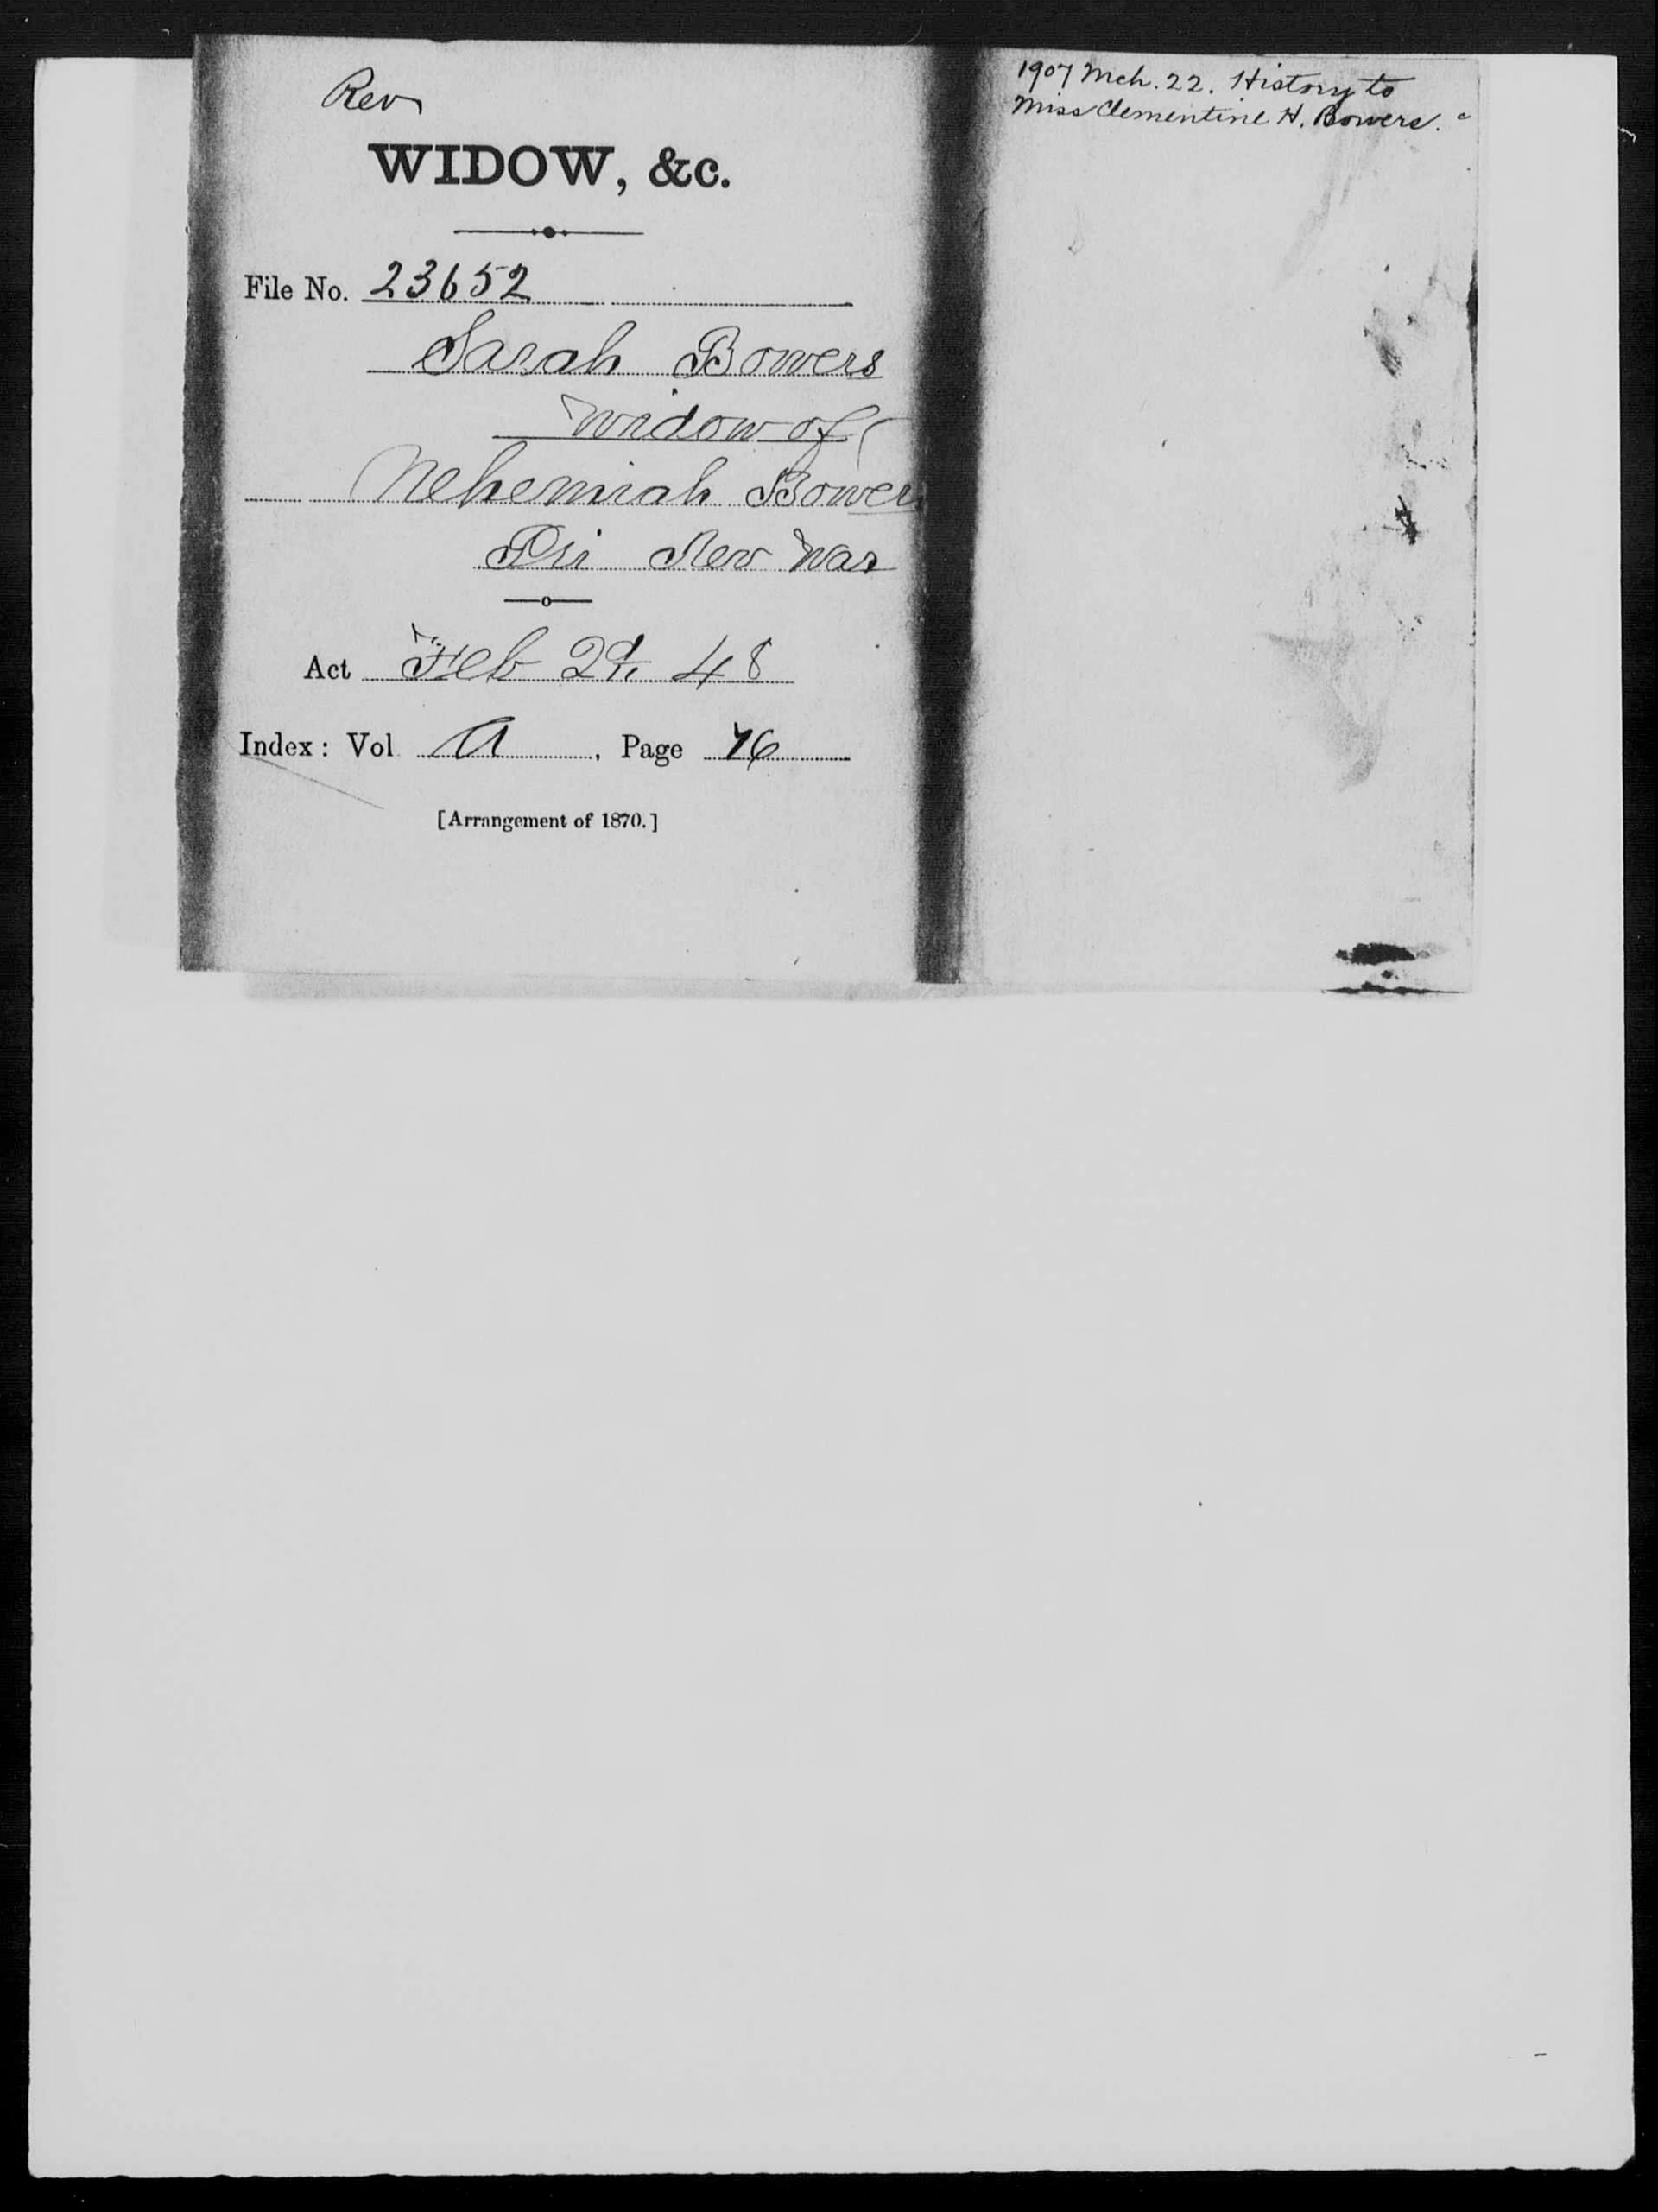Rev
WIDOW, &c.
File No. 23652
A
Sarah Bowers
Widow of 
Nehemiah Bower
Pri Rev War 
---
Act Feb 2d 48
Index: Vol. A, Page 16
[Arrangement of 1870.]

1907 Mch. 22. History to
Miss Clementine H. Bowers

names: Clementine H Bowers, Nehemiah Bowers, Sarah Bowers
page: 17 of 42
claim: widow's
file: W. 23,652, Nehemiah Bowers, Mass.